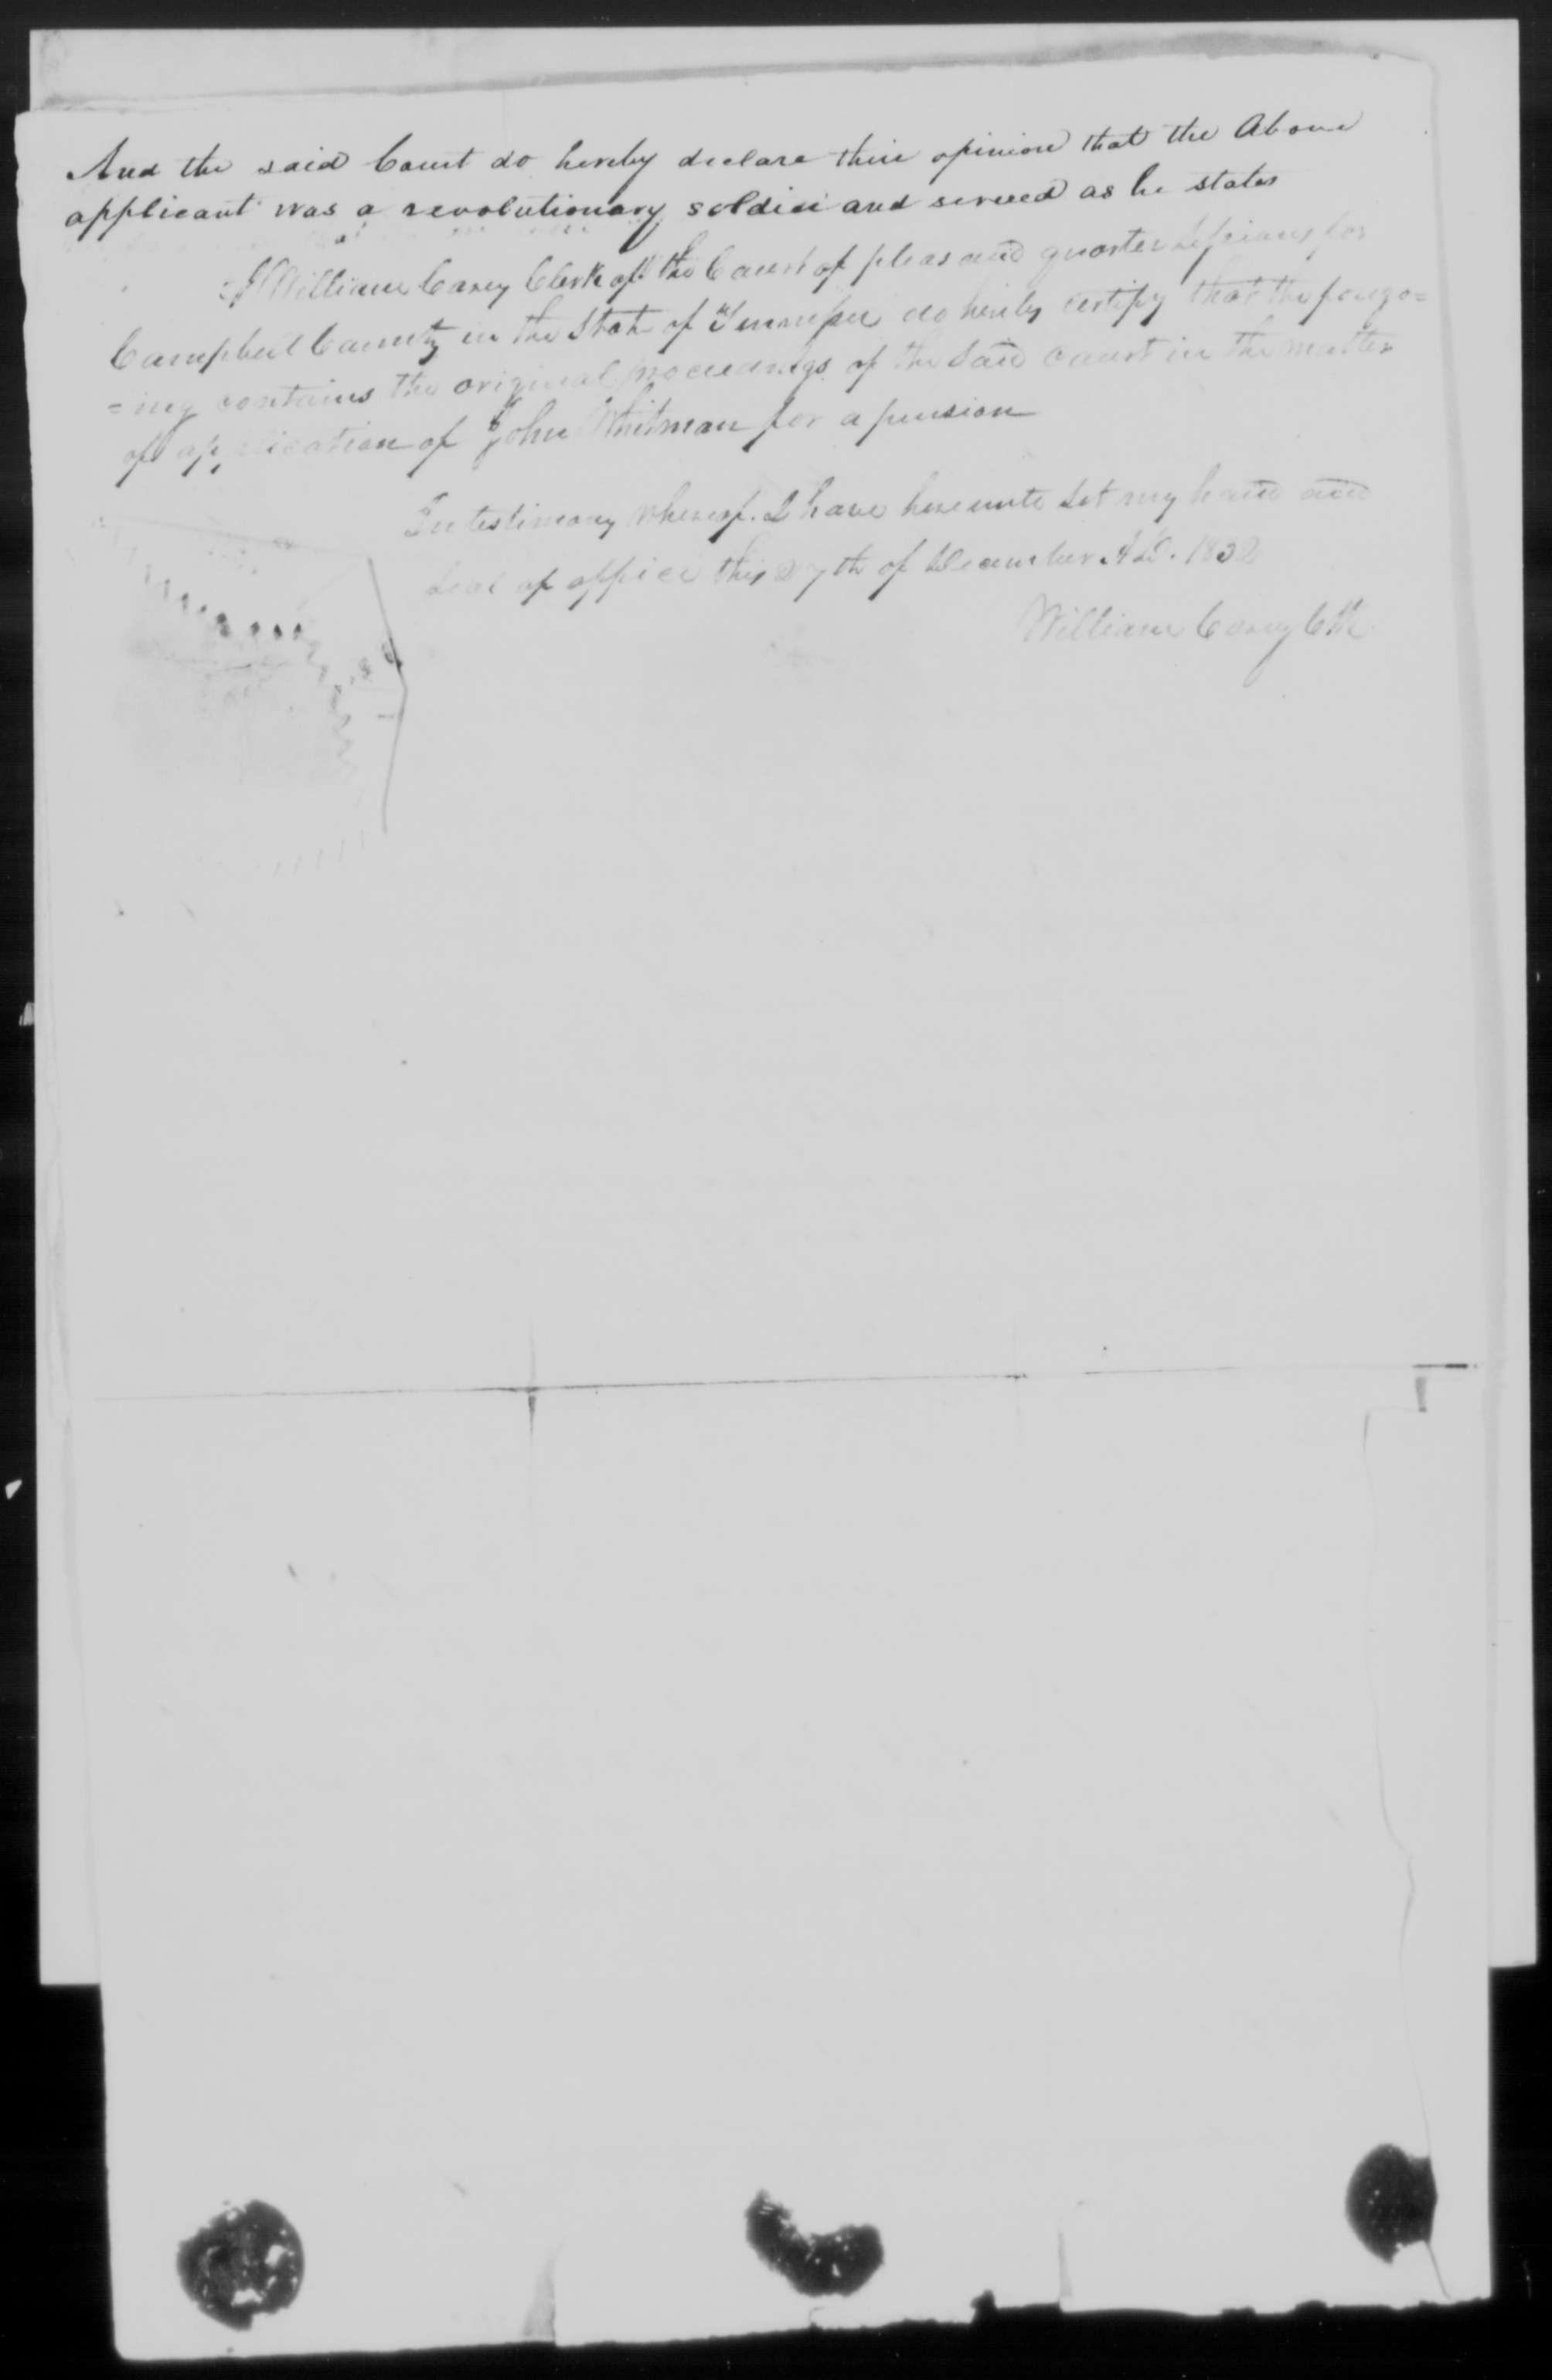And the said Court do hereby declare their opinion that the above
applicant was a revolutionary soldier and served as he states

I William Carey Clerk of the Court of pleas and quarter sessions for
Campbell County in the State of Tennessee do hereby certify that the 
foregoing contains the original proceedings of the said court in the matter
of application of John Whitman for a pension

In testimony whereof, I have hereunto set my hand and
Seal of office this 27th of December AD. 1832
William Carey 6th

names: William Cary, John Whitman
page: 5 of 22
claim: survivor's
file: S 2023, John Whitman, Va.